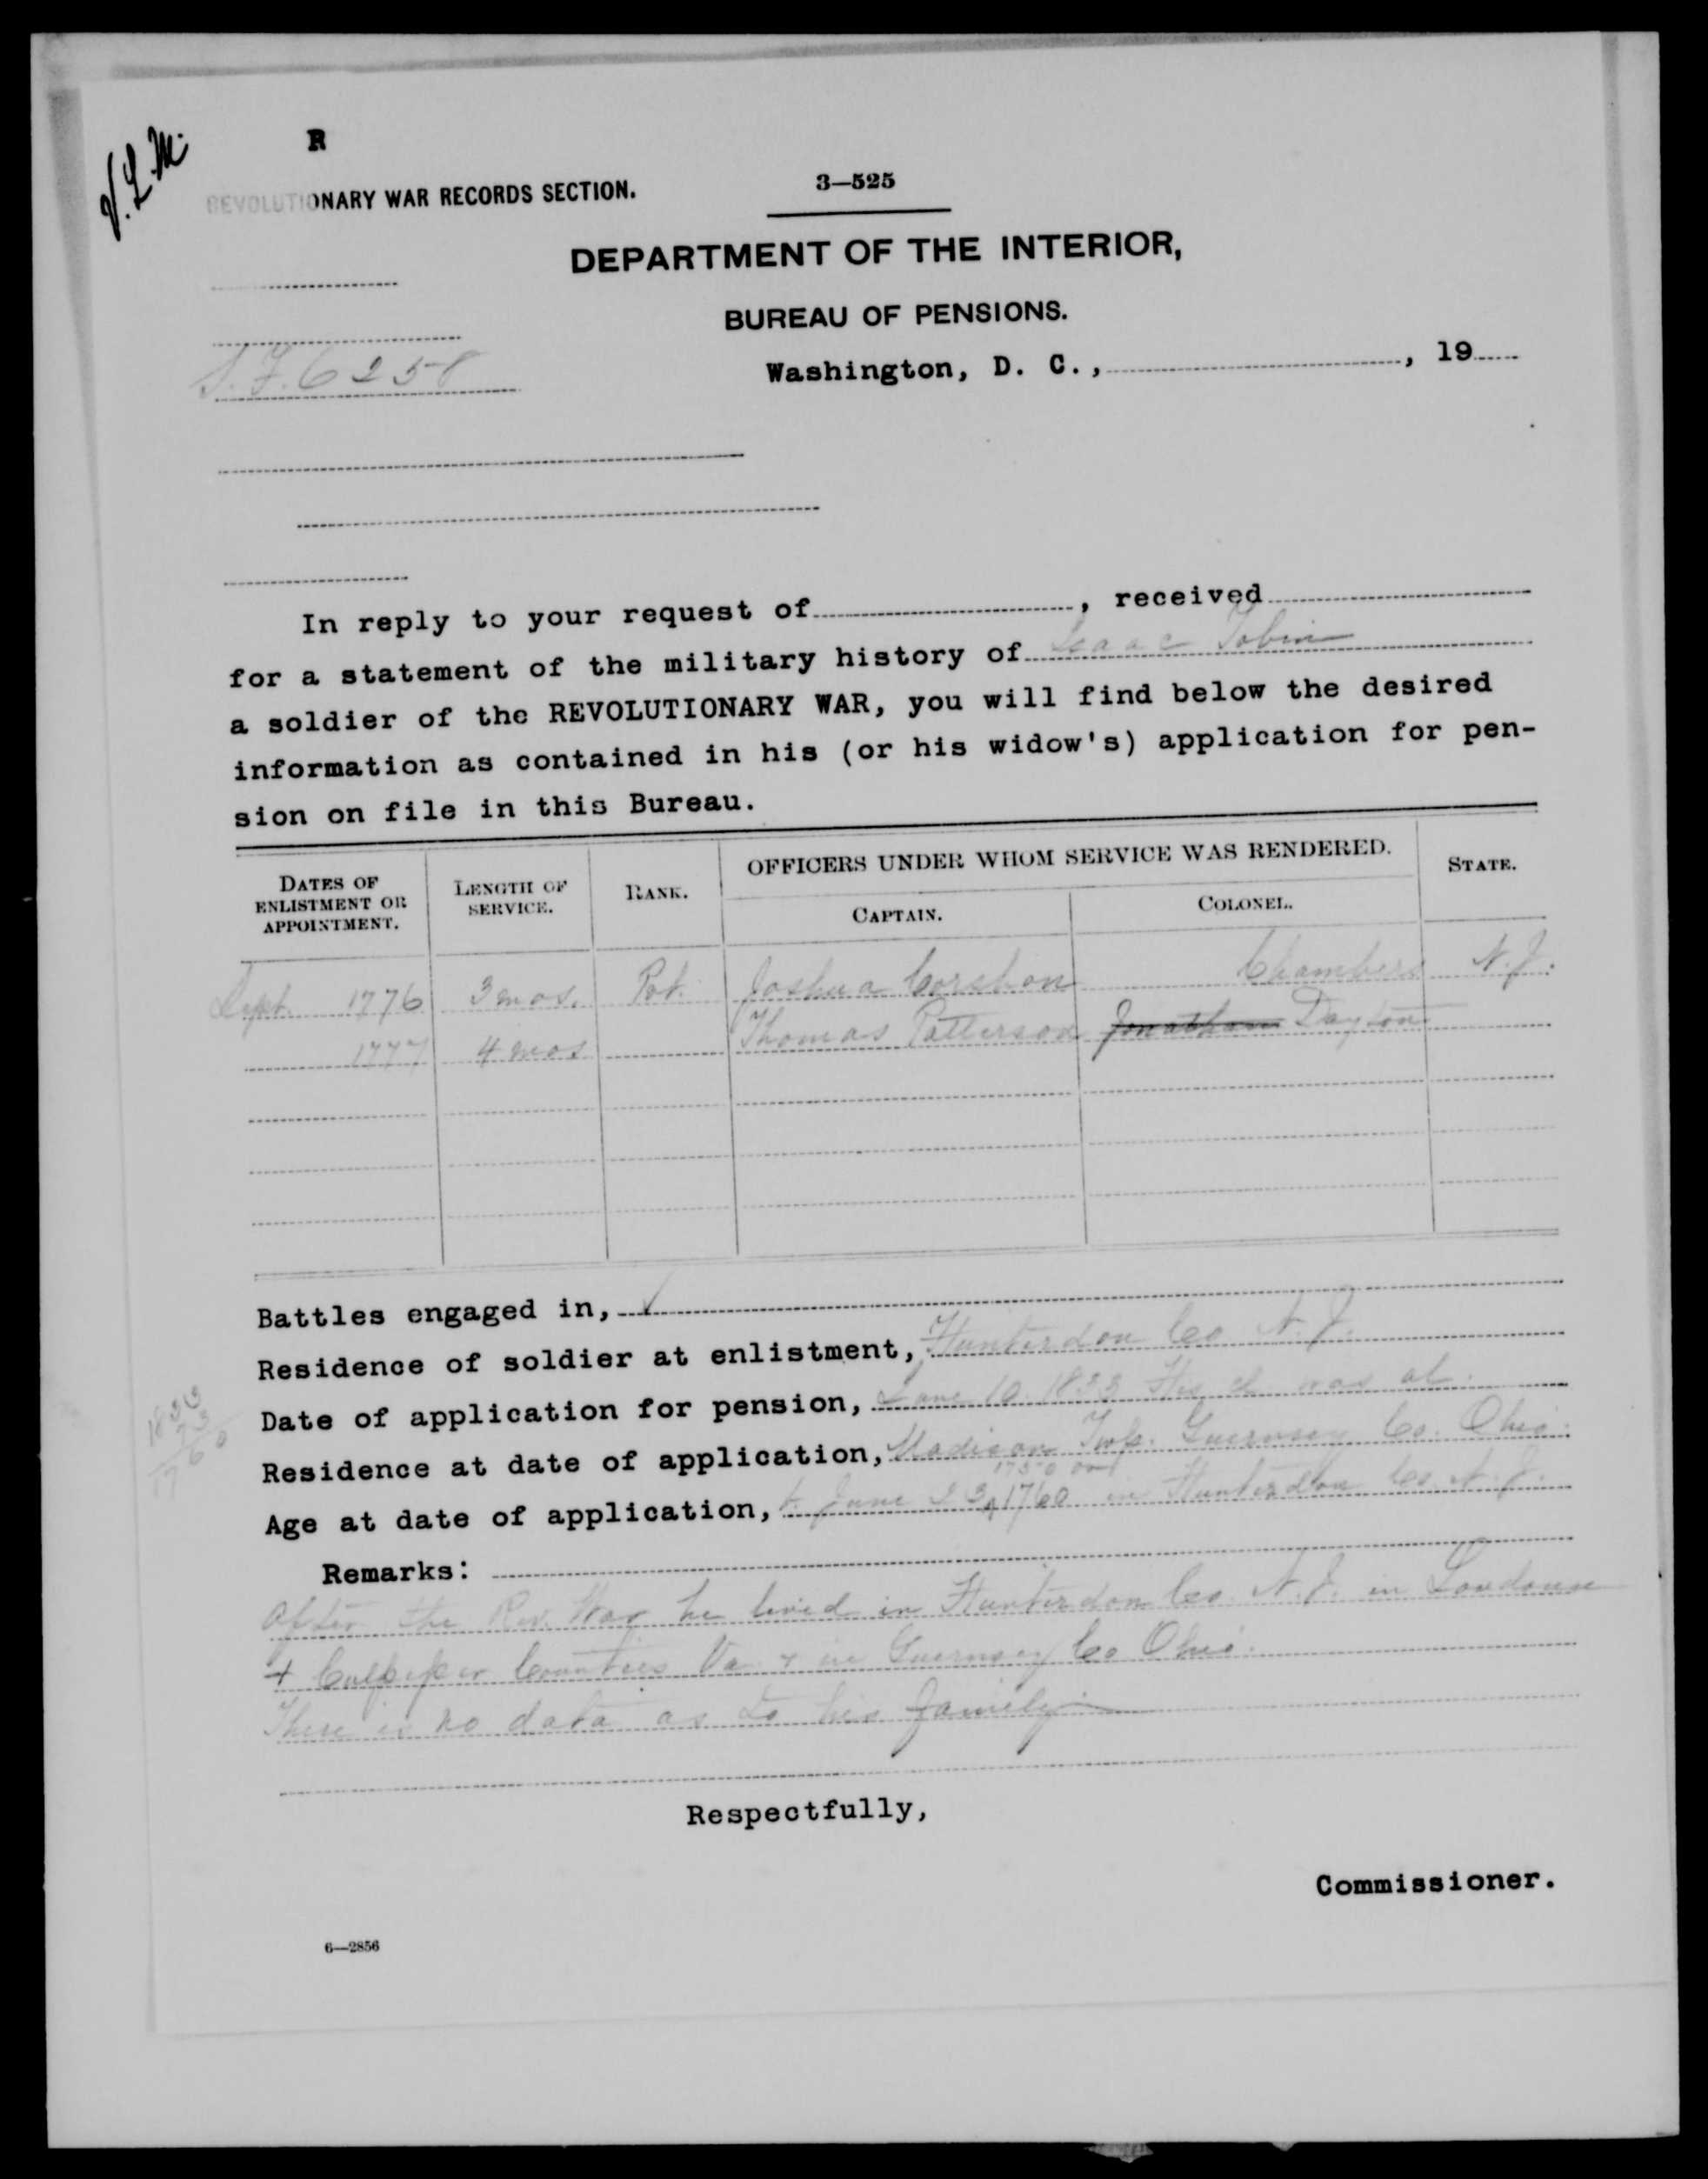V.L.M.
R
REVOLUTIONARY WAR RECORDS SECTION.
3-525
DEPARTMENT OF THE INTERIOR
S.F. 6258
BUREAU OF PENSIONS.
Washington, D.C., 19

In reply to your request of , received 
for a statement of the military history of Isaac Tobin a soldier of the REVOLUTIONARY WAR, you will find below the desired information as contained in his (or his widow's) application for pension on file in this Bureau.

DATES OF ENLISTMENT OR APPOINTMENT.
Sept 1776
1777

LENGTH OF SERVICE.
3 mos
4 mos

RANK.
Pvt.

OFFICERS UNDER WHOM SERVICE WAS RENDERED.

CAPTAIN.
Joshua Corshon
Thomas Patterson

COLONEL.
Chambers
Jonathan [struck through] Dayton

STATE. 
N. J.

Battles engaged in,
Residence of soldier at enlistment, Hunterdon Co N.J.
1833
73
1760
Date of application for pension, June 10, 1833. His ch. was al.
Residence at date of application, Madison Twp. Guernsey Co. Ohio.
Age at date of application, 4 June 23 1750 or 1760 in Hunterdon Co, N.J.
Remarks: After the Rev. War he lived in Hunterdon Co, N.J. + Culpeper Counties Va. +in Guernsey Co Ohio. There is no data as to his family.

Respectfully,
Commissioner

6-2856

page: 13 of 25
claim: survivor's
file: S. 6258, for Isaac Tobin, New Jersey